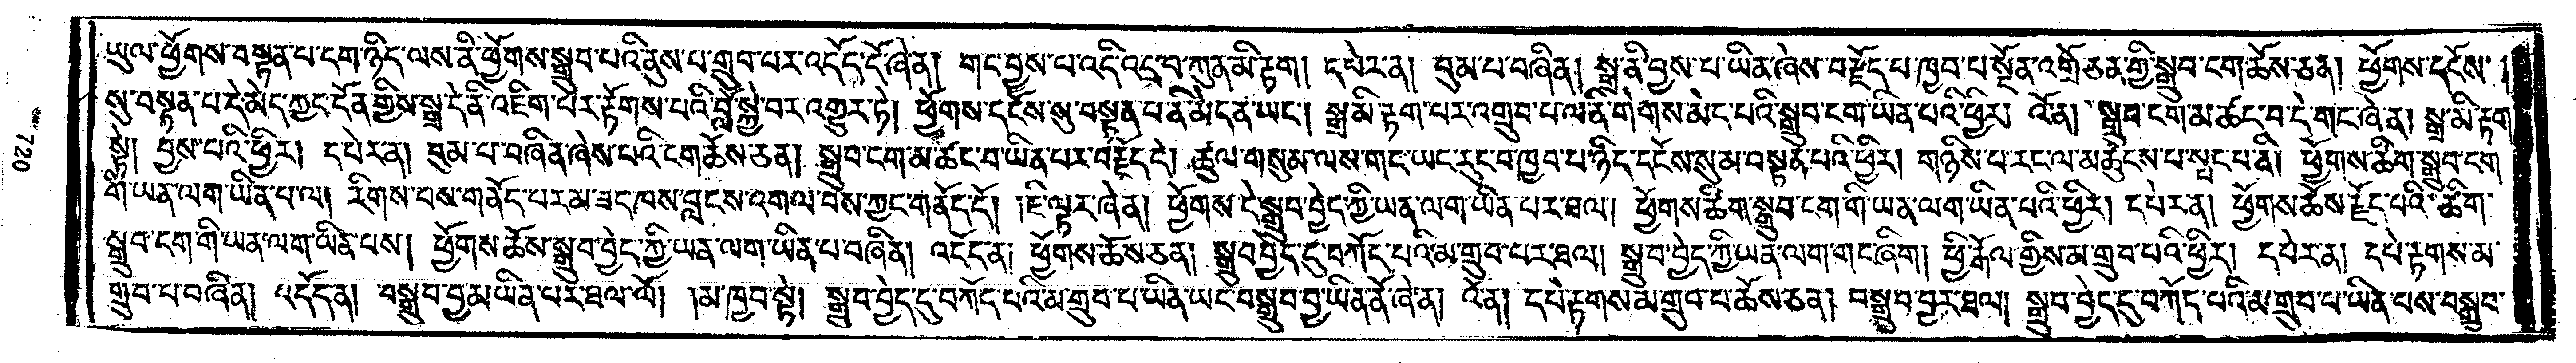ཡུལ་ཕྱོགས་བསྟན་པ་དག་ཉིད་ལས་ནི་ཕྱོགས་སྒྲུབ་པའི་ནུས་པ་གྲུབ་པར་འདོད་དོ་ཞེ་ན། གང་བྱས་པ་འདི་འདྲ་བ་ཀུན་མི་རྟག། དཔེར་ན། བུམ་པ་བཞིན། སྒྲ་ནི་བྱས་པ་ཡིན་ཞེས་བརྗོད་པ་ཁྱབ་པ་སྔོན་འགྲོ་ཅན་གྱི་སྒྲུབ་ངག་ཆོས་ཅན། ཕྱོགས་དངོས་
སུ་བསྟན་པ་དེ་མེད་ཀྱང་དོན་གྱིས་སྒྲ་དེ་ནི་འཇིག་པར་རྟོགས་པའི་བློ་སྐྱེ་བར་འགྱུར་ཏེ། ཕྱོགས་དངོས་སུ་བསྟན་པ་ནི་མེད་ན་ཡང་། སྒྲ་མི་རྟག་པར་འགྲུབ་པ་ལ་ནི་གེགས་མེད་པའི་སྒྲུབ་ངག་ཡིན་པའི་ཕྱིར། འོ་ན། སྒྲུབ་ངག་མཚང་བ་དེ་གང་ཞེ་ན། སྒྲ་མི་རྟག་
སྟེ། བྱས་པའི་ཕྱིར། དཔེར་ན། བུམ་པ་བཞིན་ཞེས་པའི་ངག་ཆོས་ཅན། སྒྲུབ་ངག་མ་ཚང་བ་ཡིན་པར་བརྗོད་དེ། ཚུལ་གསུམ་ལས་གང་ཡང་རུང་བ་ཁྱབ་པ་ཉིད་དངོས་སུམ་བསྟན་པའི་ཕྱིར། གཉིས་པ་རང་ལ་མཚུངས་པ་སྤང་པ་ནི། ཕྱོགས་ཚིག་སྒྲུབ་ངག་
གི་ཡན་ལག་ཡིན་པ་ལ། རིགས་པས་གནོད་པར་མ་ཟད་ཁས་བླངས་འགལ་བས་ཀྱང་གནོད་དོ། །ཇི་ལྟར་ཞེ་ན། ཕྱོགས་དེ་སྒྲུབ་བྱེད་ཀྱི་ཡན་ལག་ཡིན་པར་ཐལ། ཕྱོགས་ཚིག་སྒྲུབ་ངག་གི་ཡན་ལག་ཡིན་པའི་ཕྱིར། དཔེར་ན། ཕྱོགས་ཆོས་རྗོད་པའི་ཚིག་
སྒྲུབ་ངག་གི་ཡན་ལག་ཡིན་པས། ཕྱོགས་ཆོས་སྒྲུབ་བྱེད་ཀྱི་ཡན་ལག་ཡིན་པ་བཞིན། འདོད་ན། ཕྱོགས་ཆོས་ཅན། སྒྲུབ་བྱེད་དུ་བཀོད་པའི་མ་གྲུབ་པར་ཐལ། སྒྲུབ་བྱེད་ཀྱི་ཡན་ལག་གང་ཞིག། ཕྱི་རྒོལ་གྱིས་མ་གྲུབ་པའི་ཕྱིར། དཔེར་ན། དཔེ་རྟགས་མ་
གྲུབ་པ་བཞིན། འདོད་ན། བསྒྲུབ་བྱ་མ་ཡིན་པར་ཐལ་ལོ། །མ་ཁྱབ་སྟེ། སྒྲུབ་བྱེད་དུ་བཀོད་པའི་མ་གྲུབ་པ་ཡིན་ཡང་བསྒྲུབ་བྱ་ཡིན་ནོ་ཞེ་ན། འོ་ན། དཔེ་རྟགས་མ་གྲུབ་པ་ཆོས་ཅན། བསྒྲུབ་བྱར་ཐལ། སྒྲུབ་བྱེད་དུ་བཀོད་པའི་མ་གྲུབ་པ་ཡིན་པས་བསྒྲུབ་